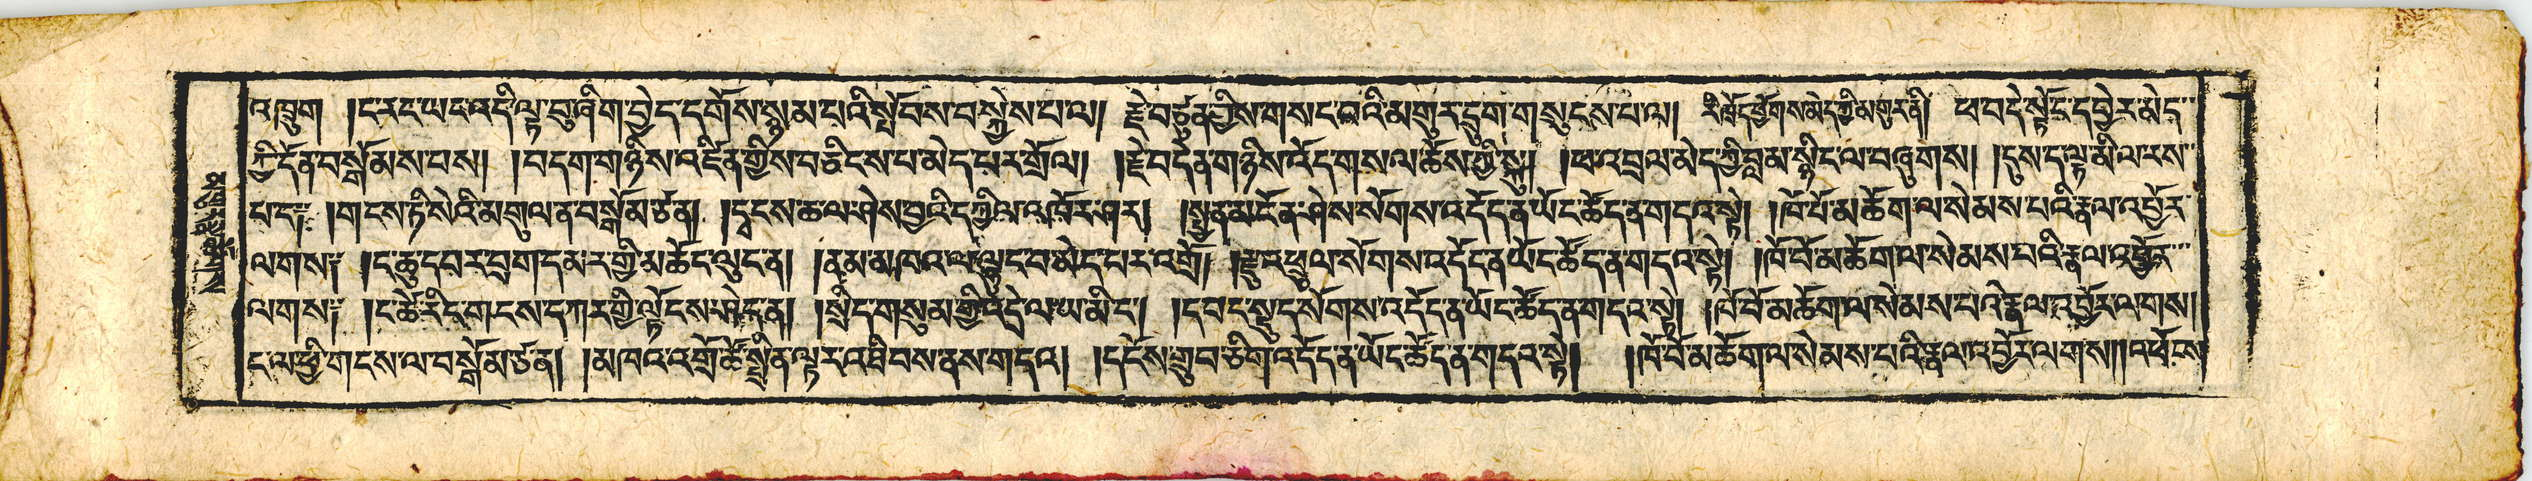འཁྲུག །ང་རང་ཡང འདི་ལྟ་བུ་ཞིག་བྱེད་དགོས་སྙམ་པའི་སྤོབས་པ་སྐྱེས་པ་ལ། རྗེ་བཙུན་གྱིས་གསང་བའི་མགུར་དྲུག་གསུངས་པ་ལ། ༼རི་ཁྲོད་ཕྱོགས་མེད་ཀྱི་མགུར་ནི།༽ ཕ་བདེ་སྟེང་དབྱེར་མེད་
ཀྱི་དོན་བསྒོམས་པས། །བདག་གཉིས་འཛིན་གྱིས་བཅིངས་པ་མེད་པར་གྲོལ། །རྗེ་བདེན་གཉིས་འོད་གསལ་ཆོས་ཀྱི་སྐུ། །ཕ་འབྲལ་མེད་ཀྱི་བླ་མ་སྙིང་ལ་བཞུགས། །དུས་ད་ལྟ་མི་ལ་རས་
པ་ང་། །གངས་ཏེ་སེའི་མགུལ་ན་བསྒོམ་ཙ་ན། །དྭངས་ཆ་ལ་ཤེས་བྱའི་དཀྱིལ་འཁོར་ཤར། །སྤྱན་མངོན་ཤེས་སོགས་འདོད་ནི་ཡོང་ཚོད་ན་གདའ་སྟེ། །ཁོ་བོ་མཆོག་ལ་སེམས་པའི་རྣལ་འབྱོར་
ལགས༑ །ང་ཆུ་དབར་བྲག་དམར་གྱི་མཆོང་ལུང་ན། །ནམ་མཁའ་ལ་ལྷུང་བ་མེད་པར་འགྲོ། །རྫུ་འཕྲུལ་སོགས་འདོད་ན་ཡོང་ཚོད་ན་གདའ་སྟེ། །ཁོ་བོ་མཆོག་ལ་སེམས་པའི་རྣལ་འབྱོར་
ལགས་། ང་ཚེ་རིང་གངས་དཀར་གྱི་ལྟོངས་ཤེད་ན། །སྲིད་གསུམ་གྱི་འདྲེ་ལ་ཡ་མི་ང་། །དབང་སྡུད་སོགས་འདོད་ན་ཡོང་ཚོད་ན་གདའ་སྟེ། ཁ་བོ་མཆོག་ལ་སེམས་པའི་རྣལ་འབྱོར་ལགས། 
ང་ལ་ཕྱི་གངས་ལ་བསྒོམ་ཙ་ན། །མཁའ་འགྲོ་ཚོ་སྤྲིན་ལྟར་འཐིབས་ནས་གདའ། །དངོས་གྲུབ་ཅིག་འདོད་ན་ཡོང་ཚོད་ན་གདའ་སྟེ། ཁོ་བོ་མཆོག་ལ་སེམས་པའི་ཚུལ་འབྱོར་ལགས། འཕོངས་